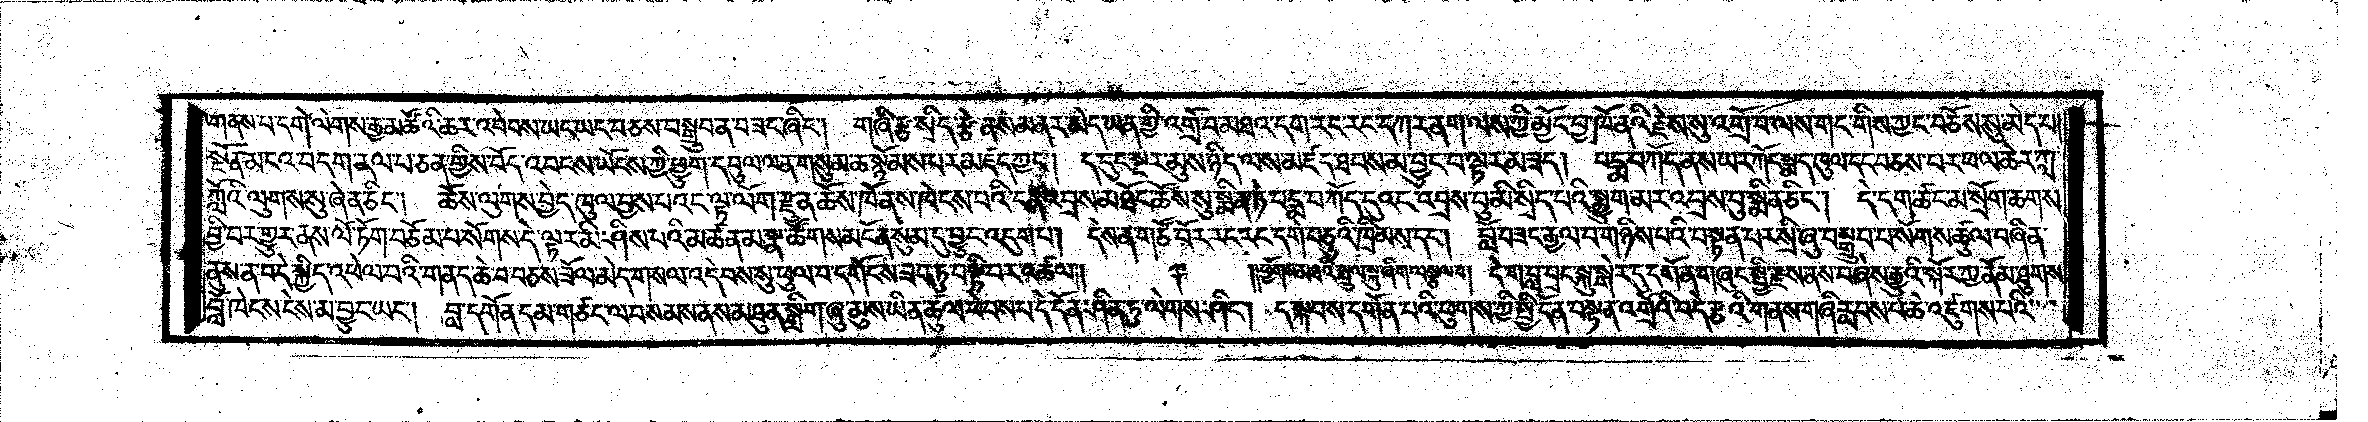གནས་པ་དགེ་ལེགས་རྒྱ་མཚོའི་ཆར་འབེབས་ཡང་ཡང་བཅས་བསྒྲུབ་ན་བཟང་ཞིང་། གཞི་རྩ་སྲིད་རྩེ་ནས་མནར་མེད་ཡན་གྱི་འགྲོ་བ་མཐའ་དག་རང་རང་དཀར་ནག་ལས་ཀྱི་མྱོང་བྱ་ཁོ་ནའི་རྗེས་སུ་འགྲོ་བ་ལས་གང་གིས་ཀྱང་བཅོས་སུ་མེད་པ།
སྔོན་མངའ་བདག་ནལ་པ་ཅན་གྱིས་བོད་འབངས་ཡོངས་ཀྱི་ཕྱུག་དབུལ་ལན་གསུམ་ཆ་སྙོམས་པར་མཛད་ཀྱང་། ད་དུང་སྔར་མུས་ཉིད་ལས་མཛད་ཐབས་མ་བྱུང་བ་ལྟར་མ་ཟད། པདམ་བཀོད་ནས་ཡར་ཀོང་སྨད་ཁུལ་དང་བཅས་པར་ཕལ་ཆེར་ཀླ་
ཀློའི་ལུགས་སུ་ཞེན་ཅིང་། ཆོས་ལུགས་བྱེད་ཁུལ་བྱས་པའང་ལྟ་ལོག་རྫུན་ཆོས་ཁོ་ནས་ཁེངས་པའི་ངན་འབྲས་མཐོང་ཆོས་སུ་སྨིན་ཏེ་པདམ་བཀོད་དུའང་འབྲས་བུ་མི་སྲིད་པའི་སྨྱུག་མར་འབྲས་བུ་སྨིན་ཅིང་། དེ་དག་ཚང་མ་སྲོག་ཆགས་
བྱི་བར་གྱུར་ནས་ལོ་ཏོག་བཅོམ་པ་སོགས་དེ་ལྟར་མི་ཤིས་པའི་མཚན་མ་སྣ་ཚོགས་མངོན་སུམ་དུ་བྱུང་འདུག་པ། དེས་ན་གཙོ་བོར་རང་རང་དགེ་བཅུའི་ཁྲིམས་དང་། བློ་བཟང་རྒྱལ་བ་གཉིས་པའི་བསྟན་པར་སྲི་ཞུ་བསྒྲུབ་པ་སོགས་ཚུལ་བཞིན་
ནུས་ན་བདེ་སྐྱིད་འཕེལ་བའི་གནད་ཆེ་བ་བཅས་ཟོལ་མེད་གསལ་འདེབས་སུ་ཕུལ་བ་དགོངས་ཟབ་ཏུ་བསྟི་བར་འཚལ།། ༈ །།ཕྱོགས་མཐའི་སྤྲུལ་སྐུ་ཞིག་ལ་སྩལ་བ།  དེ་ག་བླ་བྲང་སྐུ་སྒེར་དུ་དགོན་གཞུང་སྤྱི་རྫས་ནས་བཞེས་རྒྱུའི་སྐོར་ཀྱ་ནོམ་ཐུགས་
བློ་ཁེངས་ངེས་མ་བྱུང་ཡང་། བླ་དགོན་དམ་གཙང་ལ་བསམས་ནས་མཐུན་སྒྲིག་ཞུ་མུས་ཡིན་ཚུལ་ཕེབས་པ་དེ་དོན་ཤིན་ཏུ་ལེགས་ཤིང་། ད་སྐབས་དགོན་པའི་ཕུགས་ཀྱི་སྤྱི་དོན་བསྟན་འགྲོའི་བདེ་རྩའི་གནས་གཞི་རླབས་པ་ཆེ་འཛུགས་པའི་